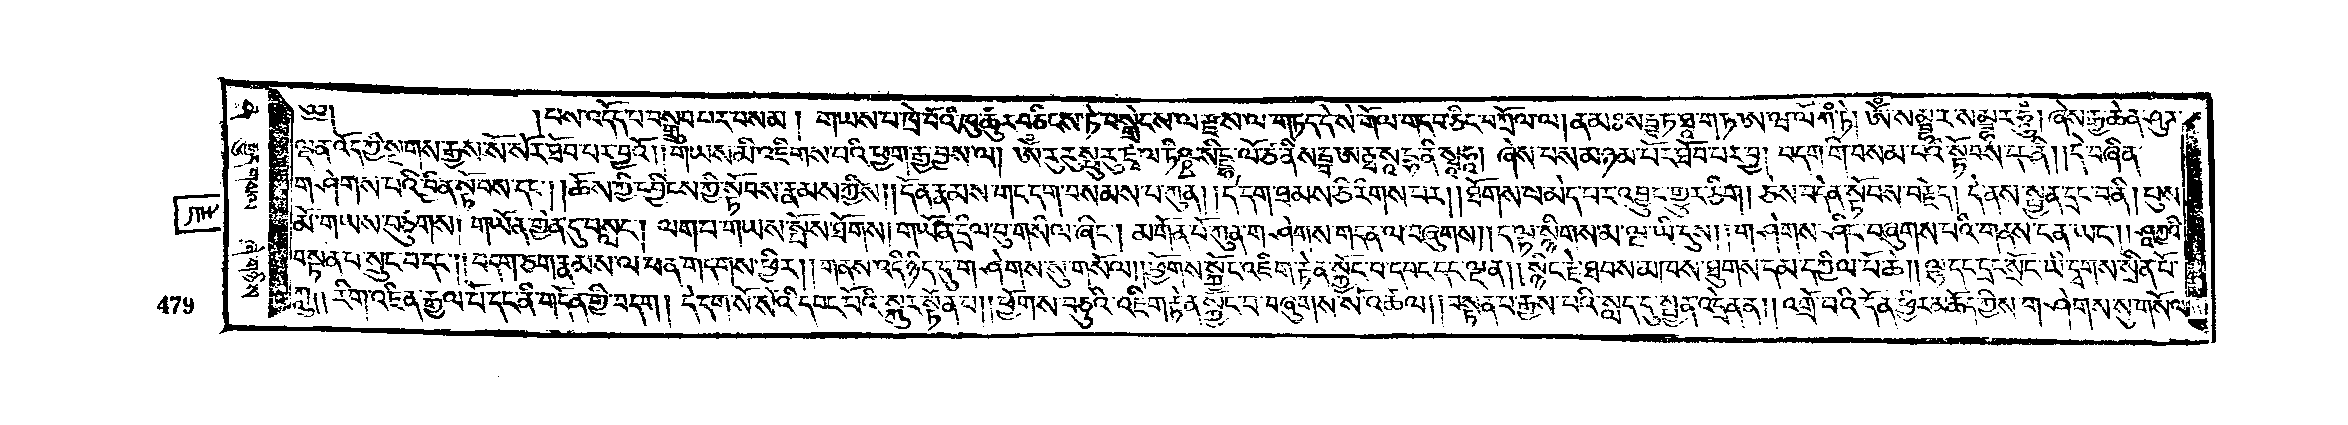༄༅། །པས་འདོད་པ་བསྒྲུབ་པར་བསམ། གཡས་པ་ཁྲོ་བོའི་ཁུ་ཚུར་བཅིངས་ཏེ་བསྒྲེངས་ལ་རྫས་ལ་གཏད་དེ་སེ་གོལ་གདབ་ཅིང་བཀྲོལ་ལ། ན་མ་H སརྦྦ་ཏ་ཐཱ་ག་ཏ་ཨ་ཝ་ལོ་ཀི་ཏེ། ཨོཾ་སམྦྷ་ར་སམྦྷ་ར་ཧཱུཾ། ཞེས་རྒྱ་ཆེན་ཤུགས་
ལྡན་འོད་ཀྱི་སྔགས་རྒྱས་སོ་སོར་ཐོབ་པར་བྱའོ། །གཡས་མི་འཇིགས་པའི་ཕྱག་རྒྱ་བྱས་ལ། ཨོཾ་རུ་རུ་སྤུ་རུ་ཛྭ་ལ་ཏིཥཊཿཨ་སིདྡྷ་ལོ་ཙ་ནི་སརྦྦ་ཨརྠ་སཱ་དྷ་ནི་སྭཱ་ཧཱ། ཞེས་པས་མཉམ་པོར་ཐོབ་པར་བྱ། བདག་གི་བསམ་པའི་སྟོབས་དང་ནི། །དེ་བཞིན་
གཤེགས་པའི་བྱིན་སྟོབས་དང་། །ཆོས་ཀྱི་དབྱིངས་ཀྱི་སྟོབས་རྣམས་ཀྱིས། །དོན་རྣམས་གང་དག་བསམས་པ་ཀུན། །དེ་དག་ཐམས་ཅི་རིགས་པར། །ཐོགས་པ་མེད་པར་འབྱུང་གྱུར་ཅིག །ཅེས་བདེན་སྟོབས་བརྗོད། དེ་ནས་སྤྱན་དྲང་བ་ནི། པུས་
མོ་གཡས་བཙུགས། གཡོན་གྱེན་དུ་བསླང་། ལག་པ་གཡས་སྤོས་ཐོགས། །གཡོན་དྲིལ་བུ་གསིལ་ཞིང་། མགོན་པོ་ཀུན་གཤེགས་གདན་ལ་བཞུགས། །ད་ལྟ་སྙིགས་མ་ལྔ་ཡི་དུས། །གཤེགས་ཤིང་བཞུགས་པའི་གནས་ངན་ཡང་། །ཤཱཀྱའི་
བསྟན་པ་སྲུང་བ་དང་། །བདག་ཅག་རྣམས་ལ་ཕན་གདགས་ཕྱིར། །གནས་འདི་ཉིད་དུ་གཤེགས་སུ་གསོལ། །ཕྱོགས་སྐྱོང་འཇིག་རྟེན་སྐྱོང་བ་དབང་དང་ལྡན། །སྙིང་རྗེ་ཐབས་མཁས་ཐུགས་དམ་དཀྱིལ་པོ་ཆེ། །ལྷ་དང་དྲང་སྲོང་ཡི་དྭགས་སྲིན་པོ་
ཀླུ། །རིག་འཛིན་རྒྱལ་པོ་དང་ནི་གདོན་གྱི་བདག །དེ་དག་སོ་སོའི་དབང་པོའི་སྐུར་སྟོན་པ། །ཕྱོགས་བཅུའི་འཇིག་རྟེན་སྐྱོང་བ་བཞུགས་སོ་འཚལ། །བསྟན་པ་རྒྱས་པའི་སླད་དུ་སྤྱན་འདྲེན་ན། །འགྲོ་བའི་དོན་ཕྱིར་མཆོད་ཀྱིས་གཤེགས་སུ་གསོལ།